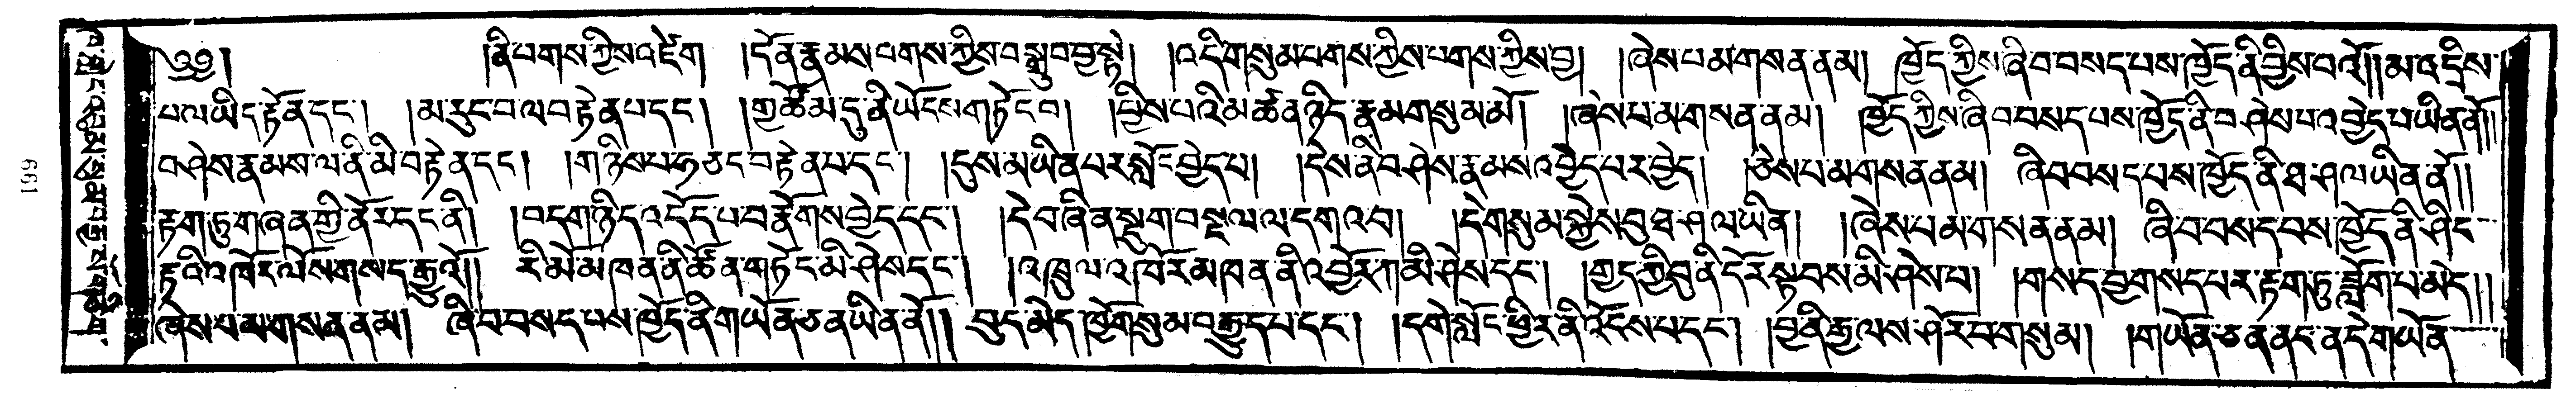༄༅། །ནི་པགས་ཀྱིས་འཛེག །དོན་རྣམས་བགས་ཀྱིས་བསྒྲུབ་བྱ་སྟེ། །འདི་གསུམ་པགས་ཀྱིས་པགས་ཀྱིས་བྱ། །ཞེས་པ་མ་གསན་ནམ། ཁྱོད་ཀྱིས་ཞི་བ་བསད་པས་ཁྱོད་ནི་བྱིས་པའོ། །མ་འདྲིས་
པ་ལ་ཡིད་རྟོན་དང་། །མ་རུང་བ་ལ་བརྟེན་པ་དང་། །གྱ་ཚོམ་དུ་ནི་ཡོངས་གཏོང་བ། །བྱིས་པའི་མཚན་ཉིད་རྣམ་གསུམ་མོ། །ཞེས་པ་མ་གསན་ནམ། ཁྱོད་ཀྱིས་ཞི་བ་བསད་པས་ཁྱོད་ནི་བཤེས་པ་འབྱེད་པ་ཡིན་ནོ།།
བཤེས་རྣམས་ལ་ནི་མི་བརྟེན་དང་། །གཉིས་པ་ཧ་ཅང་བརྟེན་པ་དང་། །དུས་མ་ཡིན་པར་སློང་བྱེད་པ། །དེས་ནི་བཤེས་རྣམས་འབྱེད་པར་བྱེད། །ཅེས་པ་མ་གསན་ནམ། ཞིབ་བསད་པས་ཁྱོད་ནི་ཐ་ཤལ་ཡིན་ནོ།།
རྟག་ཏུ་གཞན་གྱི་ནོར་དང་ནི། །བདག་ཉིད་འདོད་པ་བརྣོགས་བྱེད་དང་། །དེ་བཞིན་སྡུག་བསྔལ་ལ་དགའ་བ། །དེ་གསུམ་སྐྱེས་བུ་ཐ་ཤལ་ཡིན། །ཞེས་པ་མ་གསན་ནམ། ཞི་བ་བསད་པས་ཁྱོད་ནི་ཤིང་
རྟའི་འཁོར་ལོས་གསད་རྒྱུའོ།། རི་མོ་མཁན་ནི་ཚོན་གཏོང་མི་ཤེས་དང་། །འཁྲུལ་འཁོར་མཁན་ནི་འབྱོར་ཀ་མི་ཤེས་དང་། །གྱད་ཀྱི་བུ་ནི་དོར་སྟབས་མི་ཤེས་པ། །གསད་བྱ་གསད་པར་རྟག་ཏུ་ཟློག་པ་མེད།།
ཞེས་པ་མ་གསན་ནམ། ཞི་བ་བསད་པས་ཁྱོད་ནི་གཡོན་ཅན་ཡིན་ནོ།། བུད་མེད་ཁྱོ་གསུམ་བརྒྱུད་པ་དང་། །དགེ་སློང་ཕྱིར་ནི་འོངས་པ་དང་། །བྱ་ནི་རྒྱ་ལས་ཤོར་བ་གསུམ། །གཡོན་ཅན་ནང་ན་དེ་གཡོན་